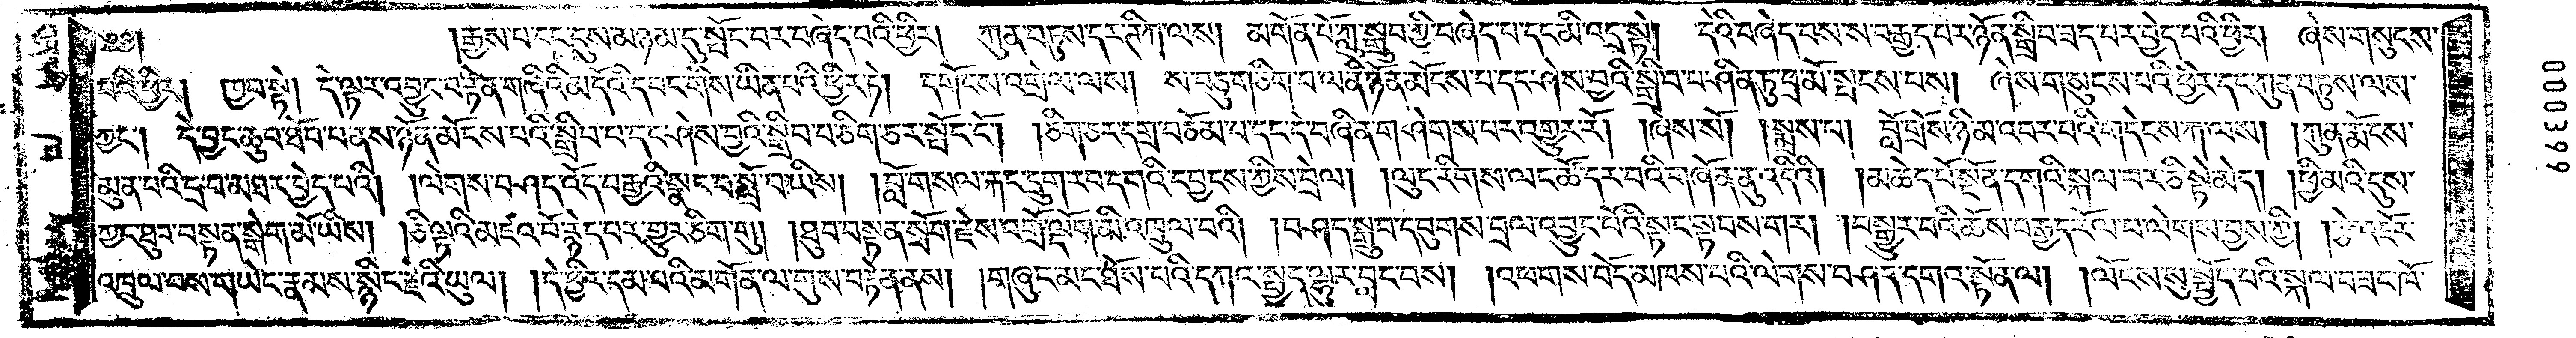༄༅། །རྒྱས་པ་དང་དུས་མཉམ་དུ་སྤོང་པར་བཞེད་པའི་ཕྱིར། ཀུན་བཏུས་དར་ཊིཀ་ལས། མགོན་པོ་ཀླུ་སྒྲུབ་ཀྱི་བཞེད་པ་དང་མི་འདྲ་སྟེ། དེའི་བཞེད་པས་ས་བརྒྱད་བར་ཉོན་སྒྲིབ་ཟད་བར་བྱེད་པའི་ཕྱིར། ཞེས་གསུངས་
པའི་ཕྱིར། ཁྱབ་སྟེ། དེ་ལྟར་འབྱུང་བརྟེན་གཞིའི་མདོའི་དབང་གིས་ཡིན་པའི་ཕྱིར་ཏེ། དགོངས་འགྲེལ་ལས། ས་བཅུ་གཅིག་བ་ལ་ནི་ཉོན་མོངས་པ་དང་ཤེས་བྱའི་སྒྲིབ་པ་ཤིན་ཏུ་ཕྲ་མོ་སྤངས་པས། ཞེས་གསུངས་པའི་ཕྱིར་དང་ཀུན་བཏུས་ལས་
ཀྱང་། དེ་བྱང་ཆུབ་ཐོབ་པ་ནས་ཉོན་མོངས་པའི་སྒྲིབ་པ་དང་ཤེས་བྱའི་སྒྲིབ་གཅིག་ཅར་སྤོང་ངོ། །ཅིག་ཅར་དགྲ་བཅོམ་པ་དང་དེ་བཞིན་གཤེགས་པར་འགྱུར་རོ། །ཞེས་སོ། །སྨྲས་པ། བློ་གྲོས་ཉི་མ་འབར་བའི་གདེངས་ཀ་ལས། །ཀུན་རྨོངས་
མུན་པའི་དྲ་བ་མཐར་བྱེད་པའི། །ལེགས་བཤད་འོད་བརྒྱའི་སྣང་བ་སྤྲོ་བ་ཡིས། །བློ་གསལ་རྐང་དྲུག་བདག་དགའི་དབྱངས་ཀྱིས་བྲེལ། །ལུང་རིགས་ལང་ཚོ་དར་བའི་གཞོན་ནུ་འདིའི། །མཆེད་པོ་སྔོན་དགའི་སྐལ་བར་ཅི་སྟེ་མེད། །ཕྱི་མའི་དུས་
ཀྱང་ཐུབ་བསྟན་སྒེག་མོ་ཡིས། །ཅི་ལྟའི་མཛའ་བོ་རྙེད་བར་གྱུར་ཅིག་གུ། །ཐུབ་བསྟན་སྨོག་རྗེས་འགྲོ་ལྡན་མི་ཁྲུལ་བའི། །བཤད་སྒྲུབ་དབུགས་བྲལ་འབྱུང་པོའི་སྟང་སྟབས་གར། །བསྒྱུར་བའི་ཆོད་བརྒྱད་རོལ་པ་ལེགས་བྱས་ཀྱི། །རྩེ་འཇོར་
འཁྲུལ་བས་གཡེང་རྣམས་སྙིང་རྗེའི་ཡུལ། །དེ་ཕྱིར་དམ་པའི་མགོན་ལ་གུས་བརྟེན་ནས། །གཞུང་མང་ཐོས་པའི་དཀའ་སྤྱད་ལྷུར་བླང་བས། །འཕགས་བོད་མཁས་པའི་ལེགས་བཤད་དགའ་སྟོན་ལ། །ལོངས་སུ་སྤྱོད་པའི་སྐལ་བཟང་ཁོ་